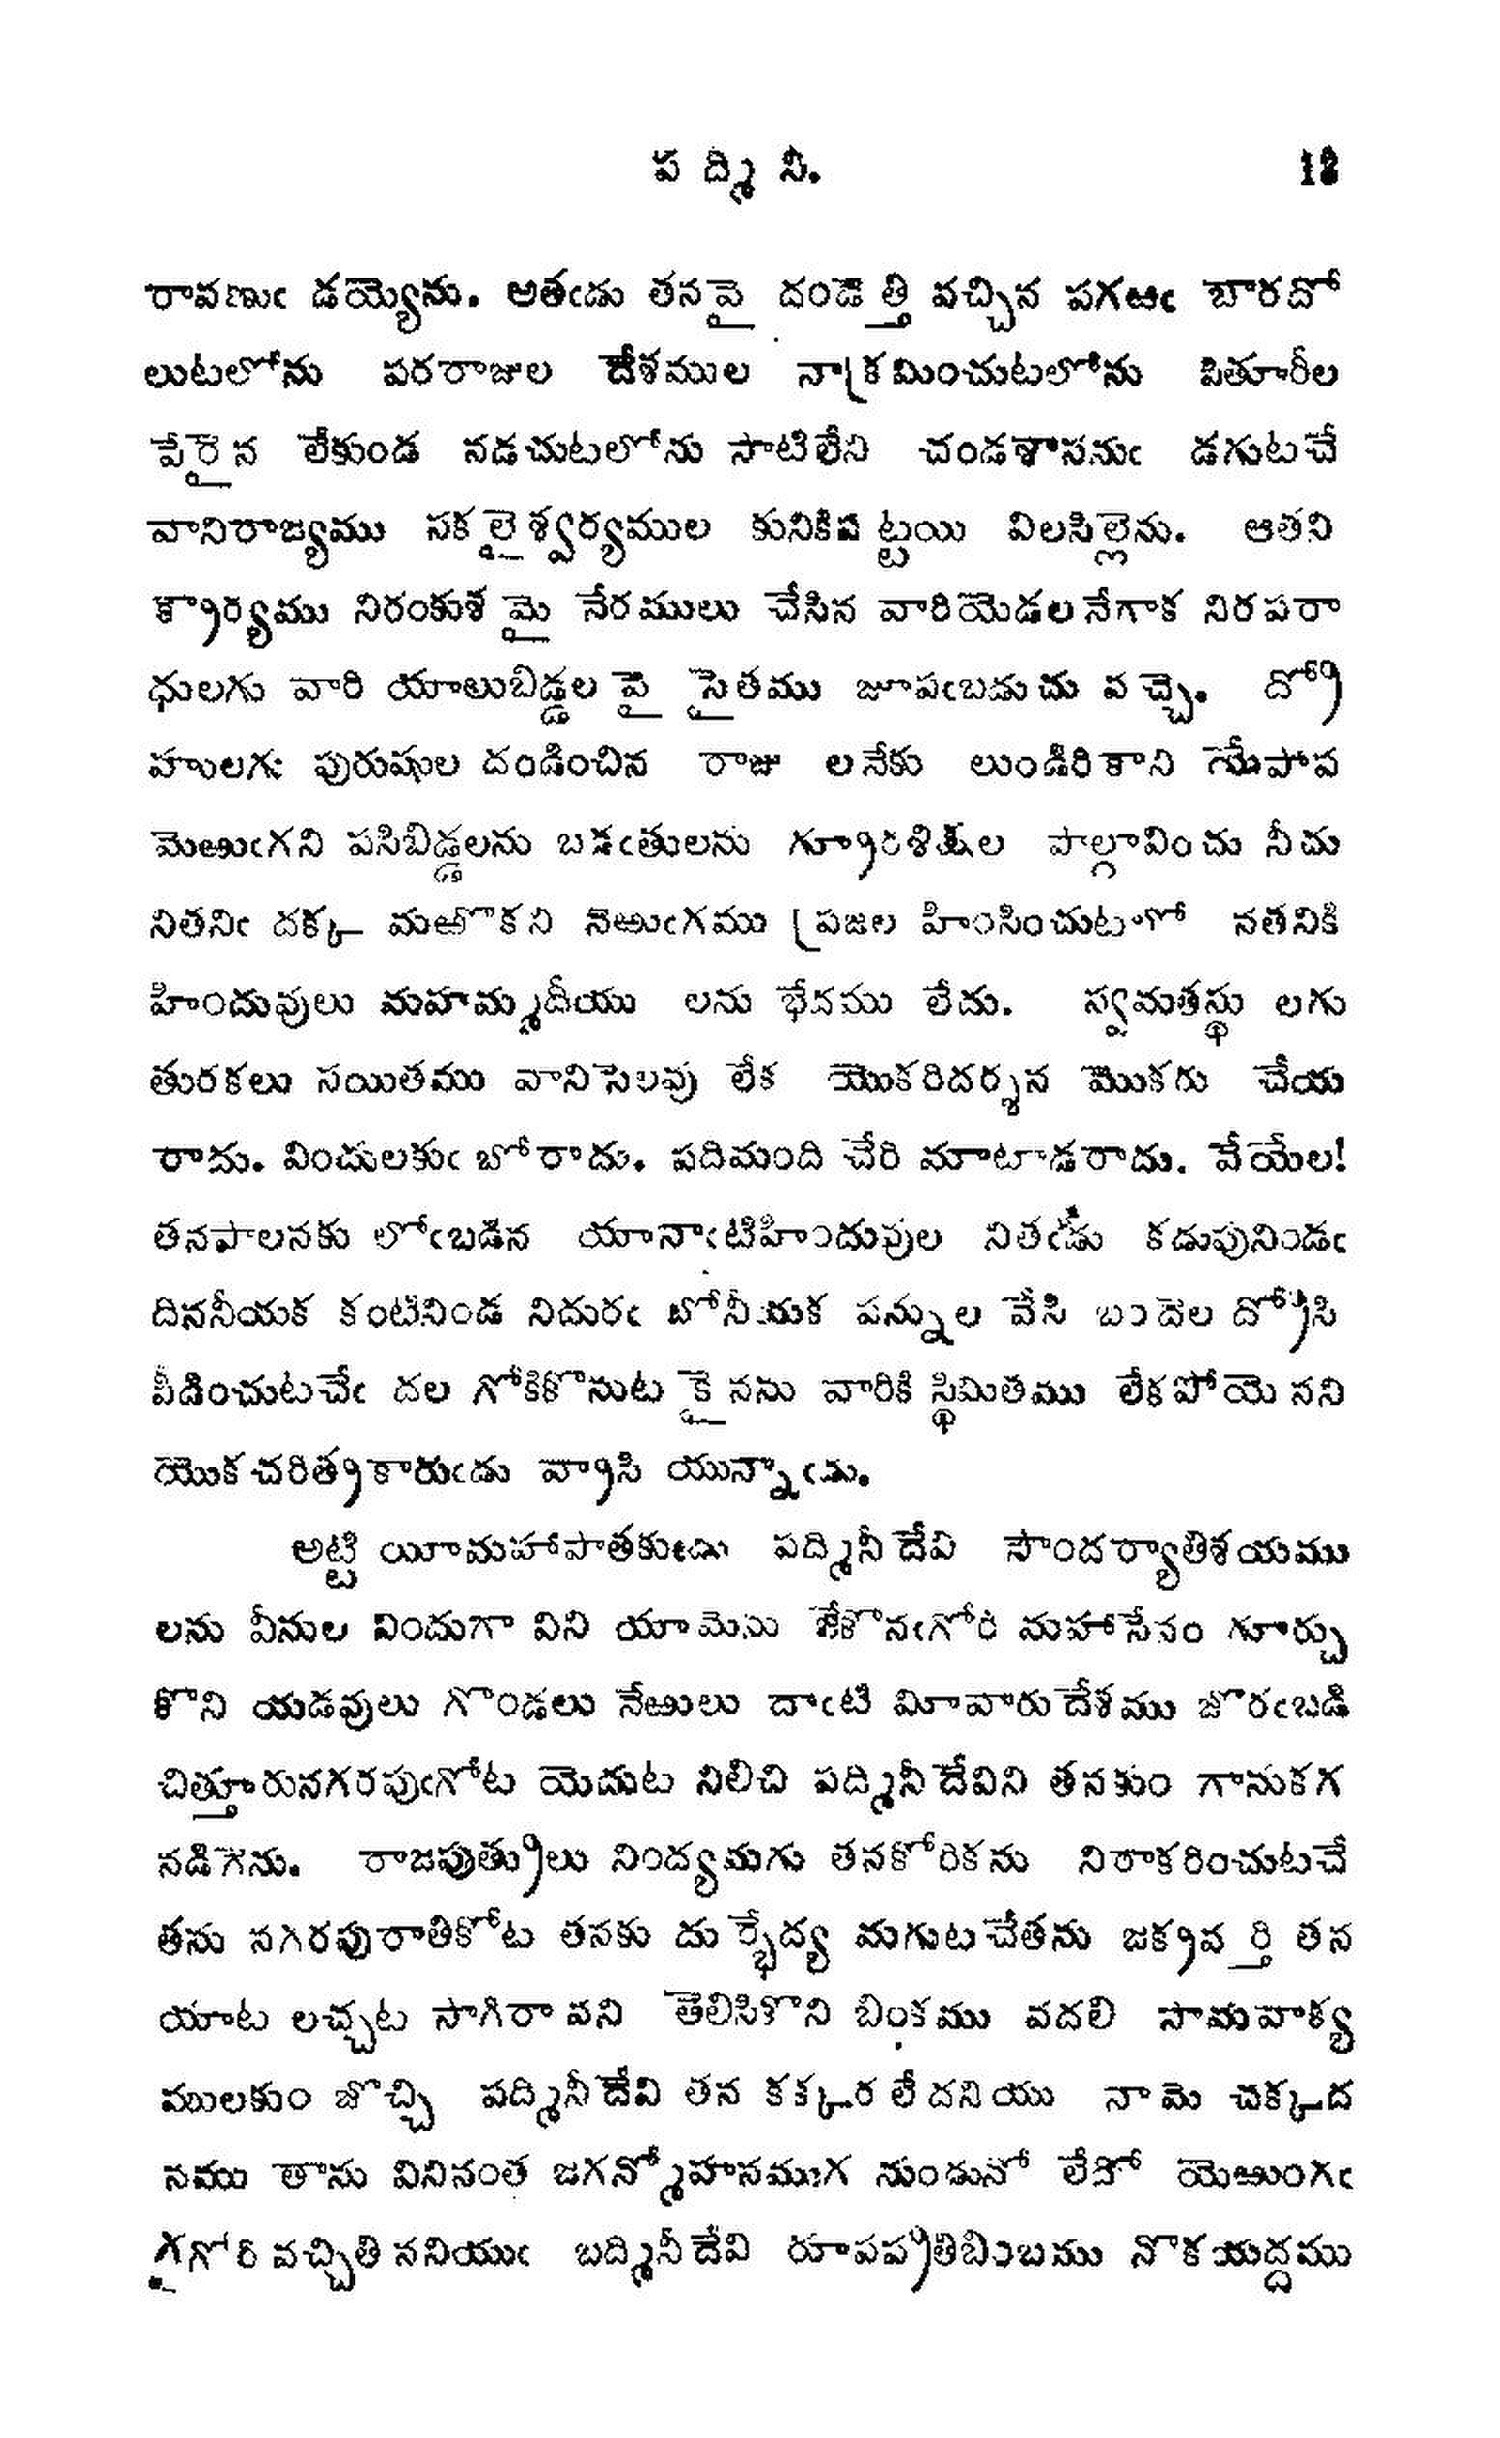రావణుఁ డయ్యెను. అతఁడు తనపై దండెత్తి వచ్చిన పగఱఁ 'బారదోలుటలోను పరరాజుల దేశముల నాక్రమించుటలోను పితూరీల పేరైన 'లేకుండ నడచుటలోను సాటి లేని చండశాసనుఁ డగుటచే
వాని రాజ్యము సకలైశ్వర్యముల కునికీపట్టయి విలసిల్లెను. ఆతని క్రౌర్యము నిరంకుశమై నేరములు చేసిన వారియెడలనేగాక నిరపరాధులగు వారి యాలుబిడ్డల పై సైతము జూపఁబడుచు వచ్చె. ద్రోహులగు పురుషుల దండించిన రాజు లనేకు లుండిరి కాని యేపాప మెఱుఁగని పసిబిడ్డలను బడఁతులను గ్రూరశిక్షల పాల్గావించు నీచు నితనిఁ దక్క మఱోకని నెఱుఁగము ప్రజల హింసించుటలో నతనికి హిందువులు మహమ్మదీయు లను భేదము లేదు. స్వమతస్థు లగు తురకలు సయితము వాని సెలవు లేక యొకరిదర్శన 'మొకరు చేయరాదు. విందులకుఁ బోరాదు. పదిమంది చేరి మాటాడరాదు. వేయేల! తనపాలనకు లోఁబడిన యానాఁటిహిందువుల నితఁడు కడుపునిండ దిననీయక కంటినిండ నిదురఁ బోనీయక పన్నుల వేసి బందెల ద్రోసి పీడించుటచేఁ దల గోకికొనుట కైనను వారికి స్థిమితము లేకపోయె నని యొక చరిత్ర కారుఁడు వ్రాసి యున్నాడు
.
అట్టి యీమహాపాతకుఁడు, పద్మినీ దేవి సౌందర్యాతిశయములను వీనుల విందుగా విని యామెను జేకోనఁగోరి మహాసేనం గూర్చు కోని యడవులు గొండలు నేఱులు దాఁటి మీవారు దేశము జోరఁబడి చిత్తూరునగరపుఁగోట యెదుట నిలిచి పద్మినీదేవిని తనకుం గానుకగ నడిగెను. రాజపుత్రులు నింద్యమగు తనకోరికను నిరాకరించుట చేతను నగరపు రాతికోట తనకు దుర్భేద్య మగుట చేతను జక్రవర్తి తన యాట లచ్చట సాగిరావని తెలిసికొని బింకము వదలి సామవాక్యములకుం జొచ్చి పద్మినీదేవి తన కక్కర లేదనియు నామె చక్కదనము తాను వినినంత జగన్మోహనముగ నుండునో లేదో యెఱుంగఁ గగోరి వచ్చితిననియుఁ బద్మినీ దేవి రూపప్రతిబింబము నొక యద్దము